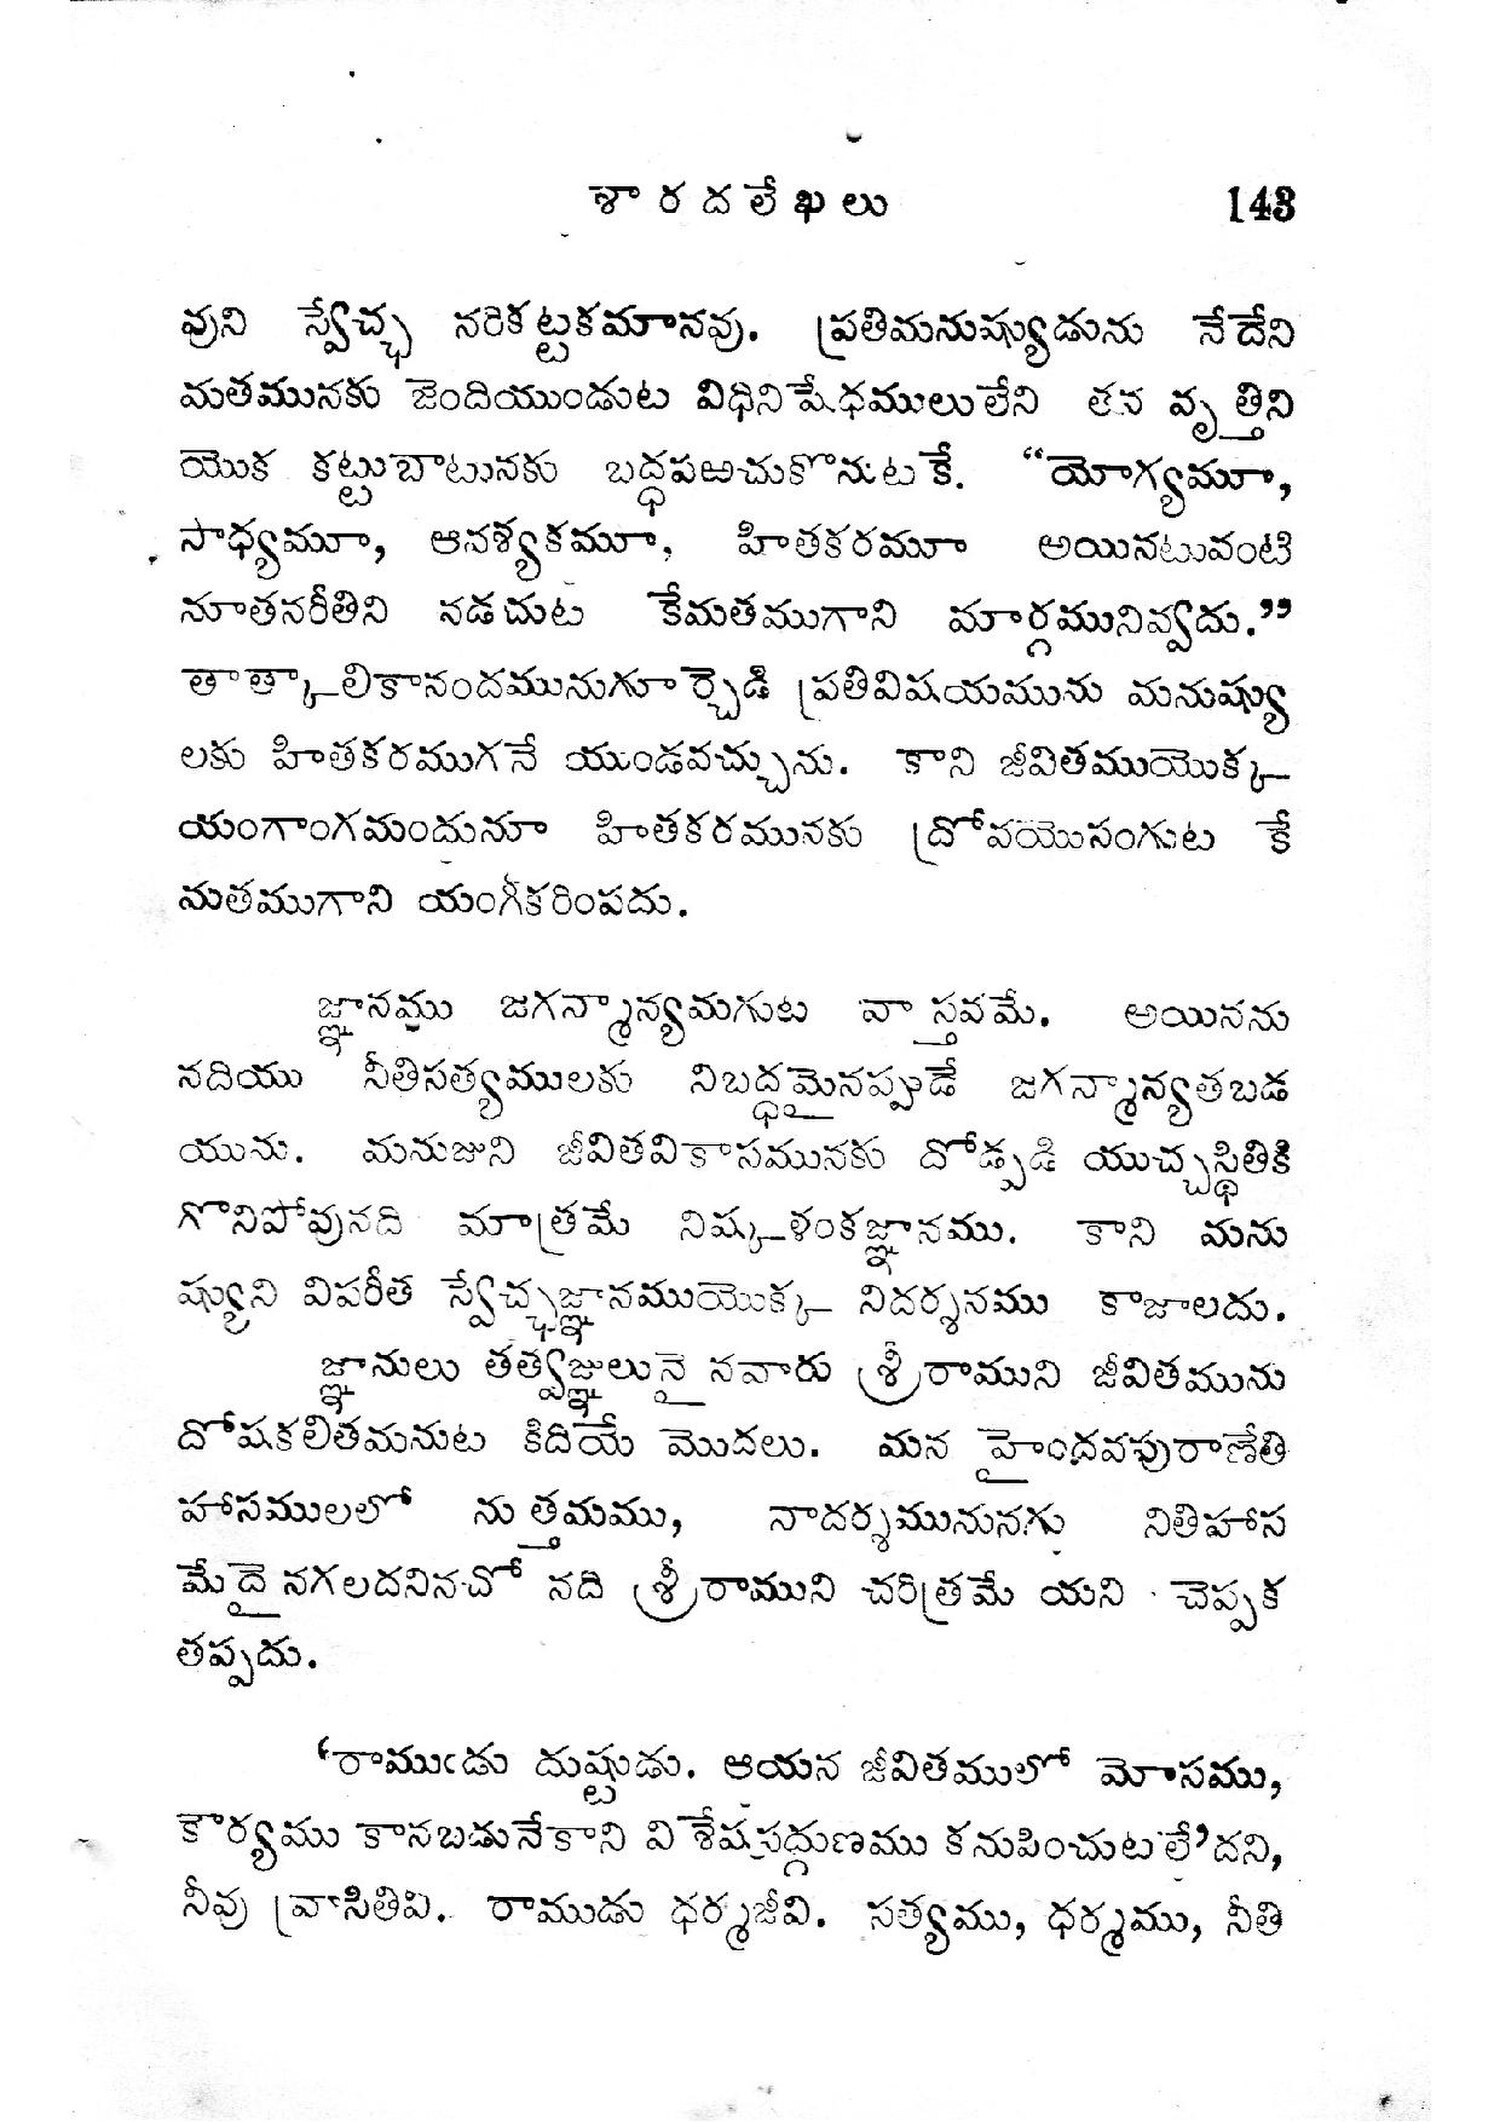వుని స్వేచ్ఛ నరికట్టకమానవు. ప్రతిమనుష్యుడును నేదేని మతమునకు జెందియుండుట విధినిషేధములులేని తన వృత్తిని యొక కట్టుబాటునకు బద్ధపఱచుకొనుటకే. “యోగ్యమూ, సాధ్యమూ, ఆవశ్యకమూ, హితకరమూ అయినటువంటి నూతనరీతిని నడచుట కేమతముగాని మార్గమునివ్వదు.”
తాత్కాలికానందమునుగూర్చెడి ప్రతివిషయమును మనుష్యులకు హితకరముగనే యుండవచ్చును. కాని జీవితముయొక్క యంగాంగమందునూ హితకరమునకు ద్రోవయొసంగుట కే మతముగాని యంగీకరింపదు.

జ్ఞానము జగన్మాన్యమగుట వాస్తవమే. అయినను నదియు నీతిసత్యములకు నిబద్ధమైనప్పుడే జగన్మాన్యతబడయును. మనుజుని జీవితవికాసమునకు దోడ్పడి యుచ్ఛస్థితికి గొనిపోవునది మాత్రమే నిష్కళంకజ్ఞానము. కాని మనుష్యుని విపరీత స్వేచ్ఛజ్ఞానముయొక్క నిదర్శనము కాజాలదు.

జ్ఞానులు తత్వజ్ఞులునైనవారు శ్రీరాముని జీవితమును దోషకలితమనుట కిదియే మొదలు. మన హైందవపురాణేతిహాసములలో నుత్తమము, నాదర్శమునునుగు నితిహాసమేదైనగలదనినచో నది శ్రీరాముని చరిత్రమే యని చెప్పక తప్పదు.

'రాముఁడు దుష్టుడు. ఆయన జీవితములో మోసము, కౌర్యము కానబడునేకాని విశేషసద్గుణము కనుపించుటలే'దని, నీవు వ్రాసితివి. రాముడు ధర్మజీవి. సత్యము, ధర్మము, నీతి